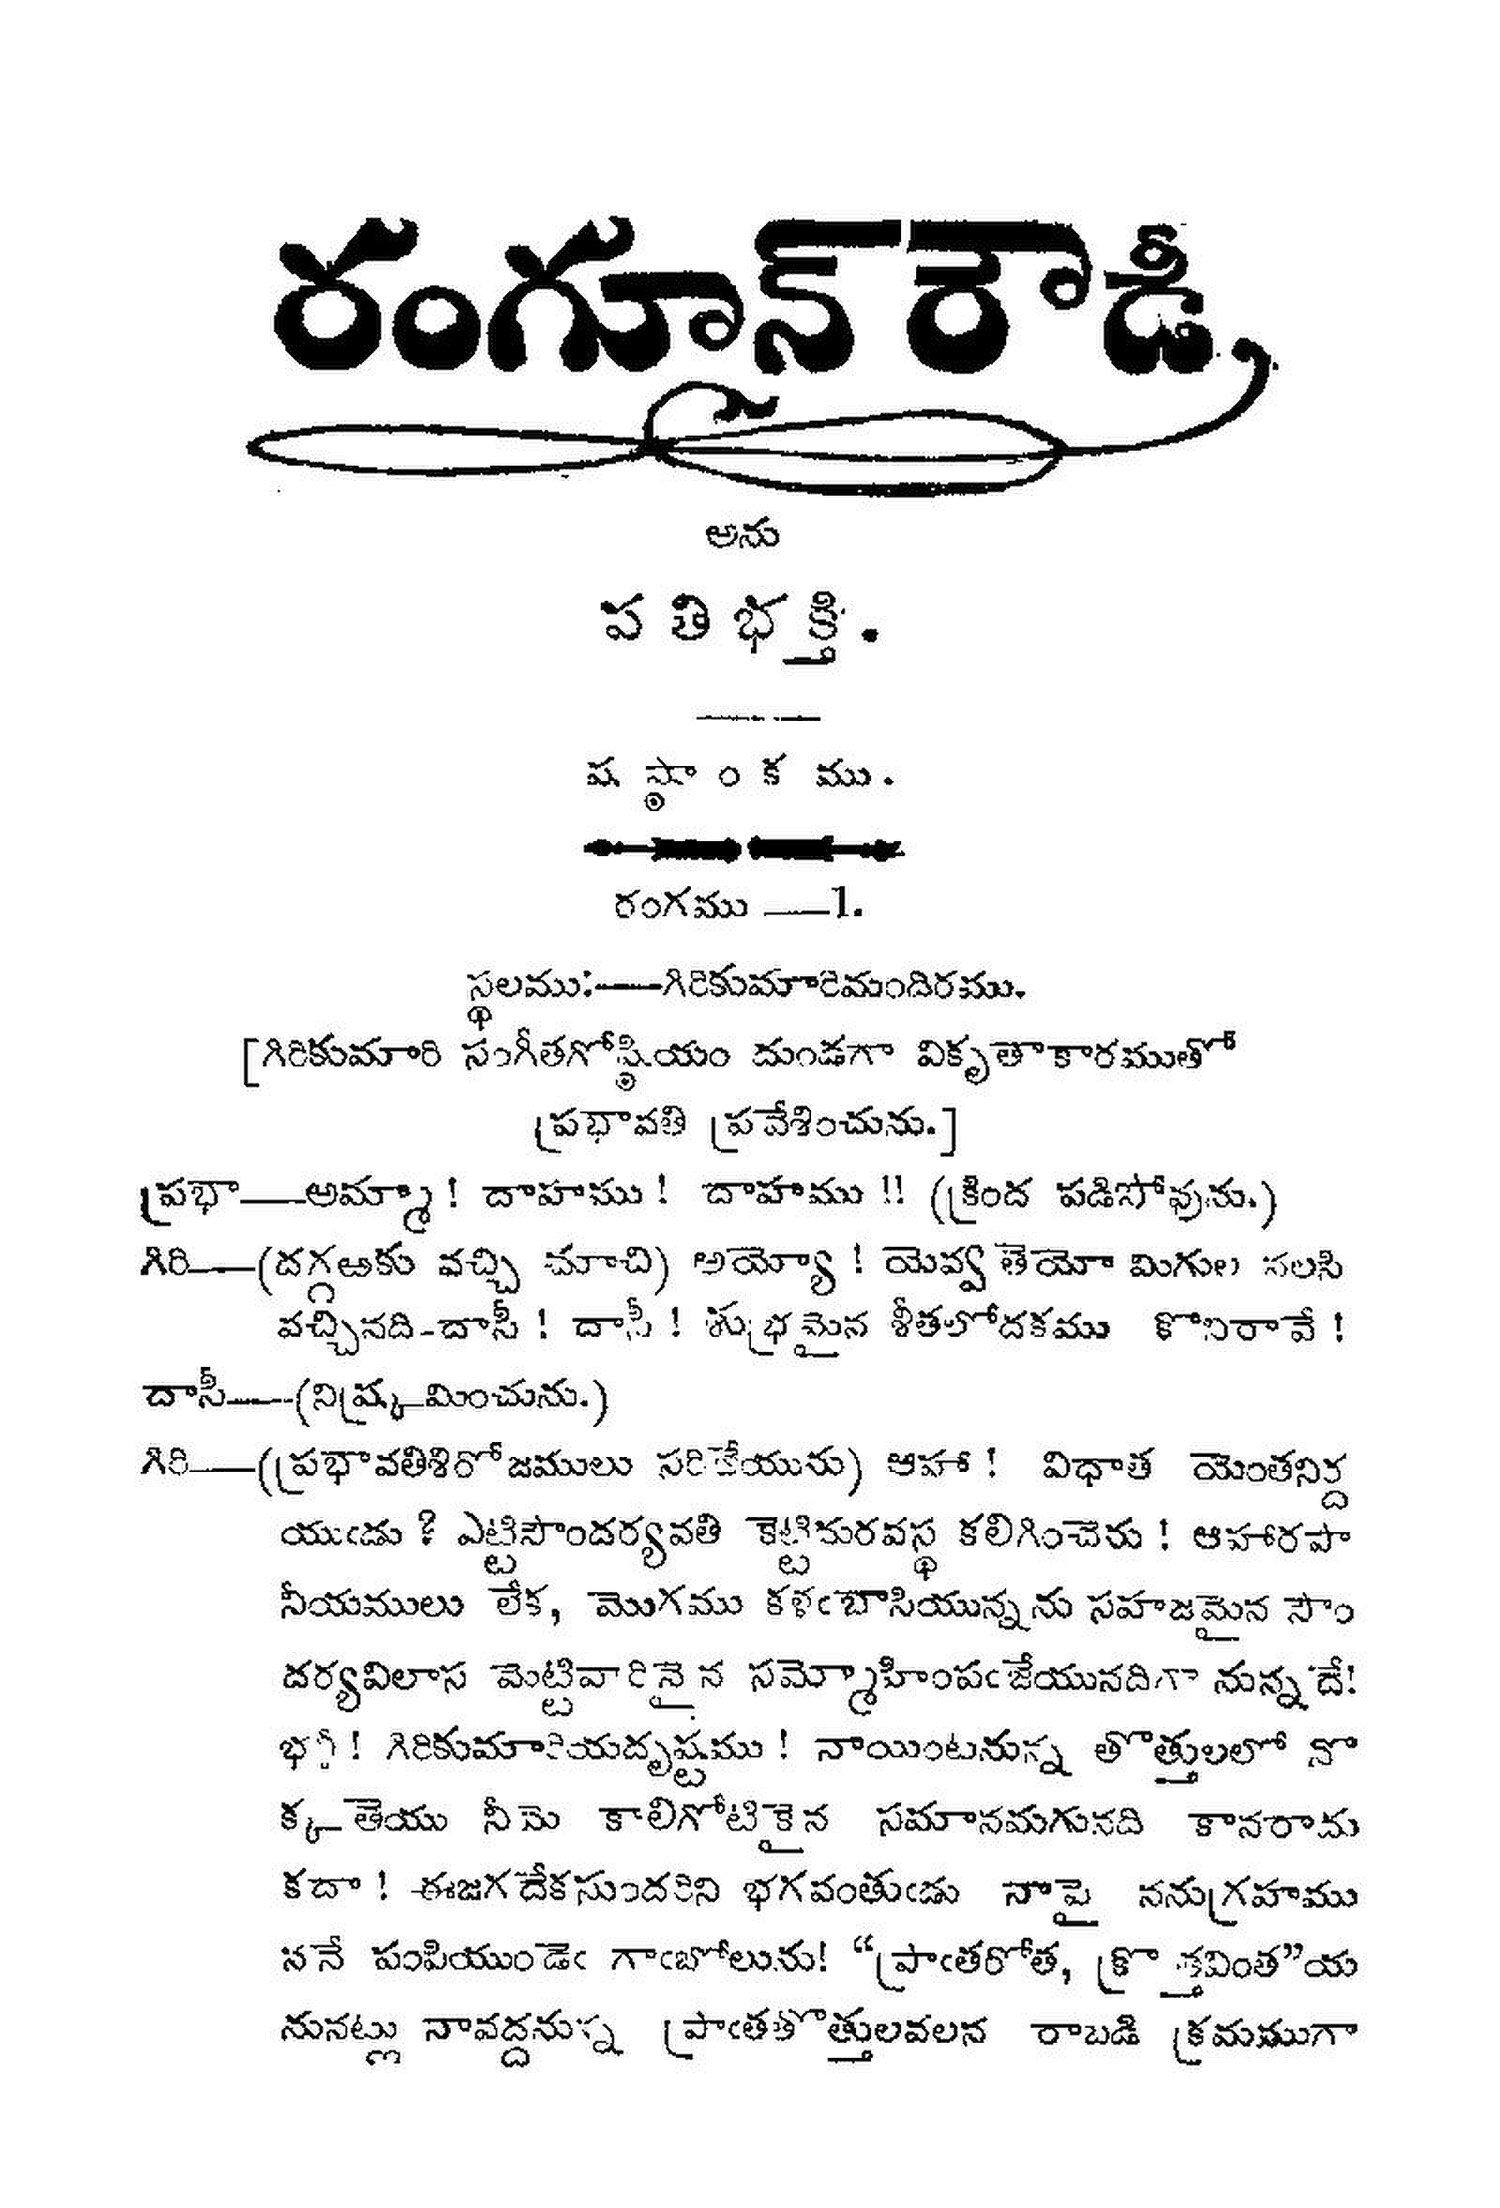రంగూన్ రౌడీ.

పతిభక్తి.

ప్రభా - అమ్మా! దాహము ! దాహము !! (క్రింద పడిపోవును.)

గిరి - (దగ్గఱకు వచ్చి చూచి) అయ్యో ! యెవ్వతెయో మిగులు నలసి వచ్చినది - దాసీ ! దాసీ ! శుభ్రమైన శీతలోదకము కొనిరావే !

దాసీ -- (నిష్క్రమించును.)

గిరి - (ప్రభావతిశిరోజములు సరిజేయును) ఆహా ! విధాత యెంతనిర్దయుఁడు ? ఎట్టిసౌందర్యవతి కెట్టిదురవస్థ కలిగించెను ! ఆహారపానీయములు లేక, మొగము కళఁబాసియున్నను సహజమైన సౌందర్యవిలాస మెట్టివారినైన సమ్మోహింపఁజేయునదిగా నున్నదే! భళీ! ! గిరికుమారియదృష్టము ! నాయింటనున్న తొత్తులలో నొక్క తెయు నీమె కాలిగోటికైన సమానమగునది కానరాదు కదా ! ఈజగదేకసుందరిని భగవంతుడు నాపై ననుగ్రహముననే పంపియుండెఁ గాఁబోలును! “ప్రాఁతరోత, క్రొత్తవింత"యనునట్లు నావద్దనున్న ప్రాఁతతొత్తులవలన రాబడి క్రమముగా